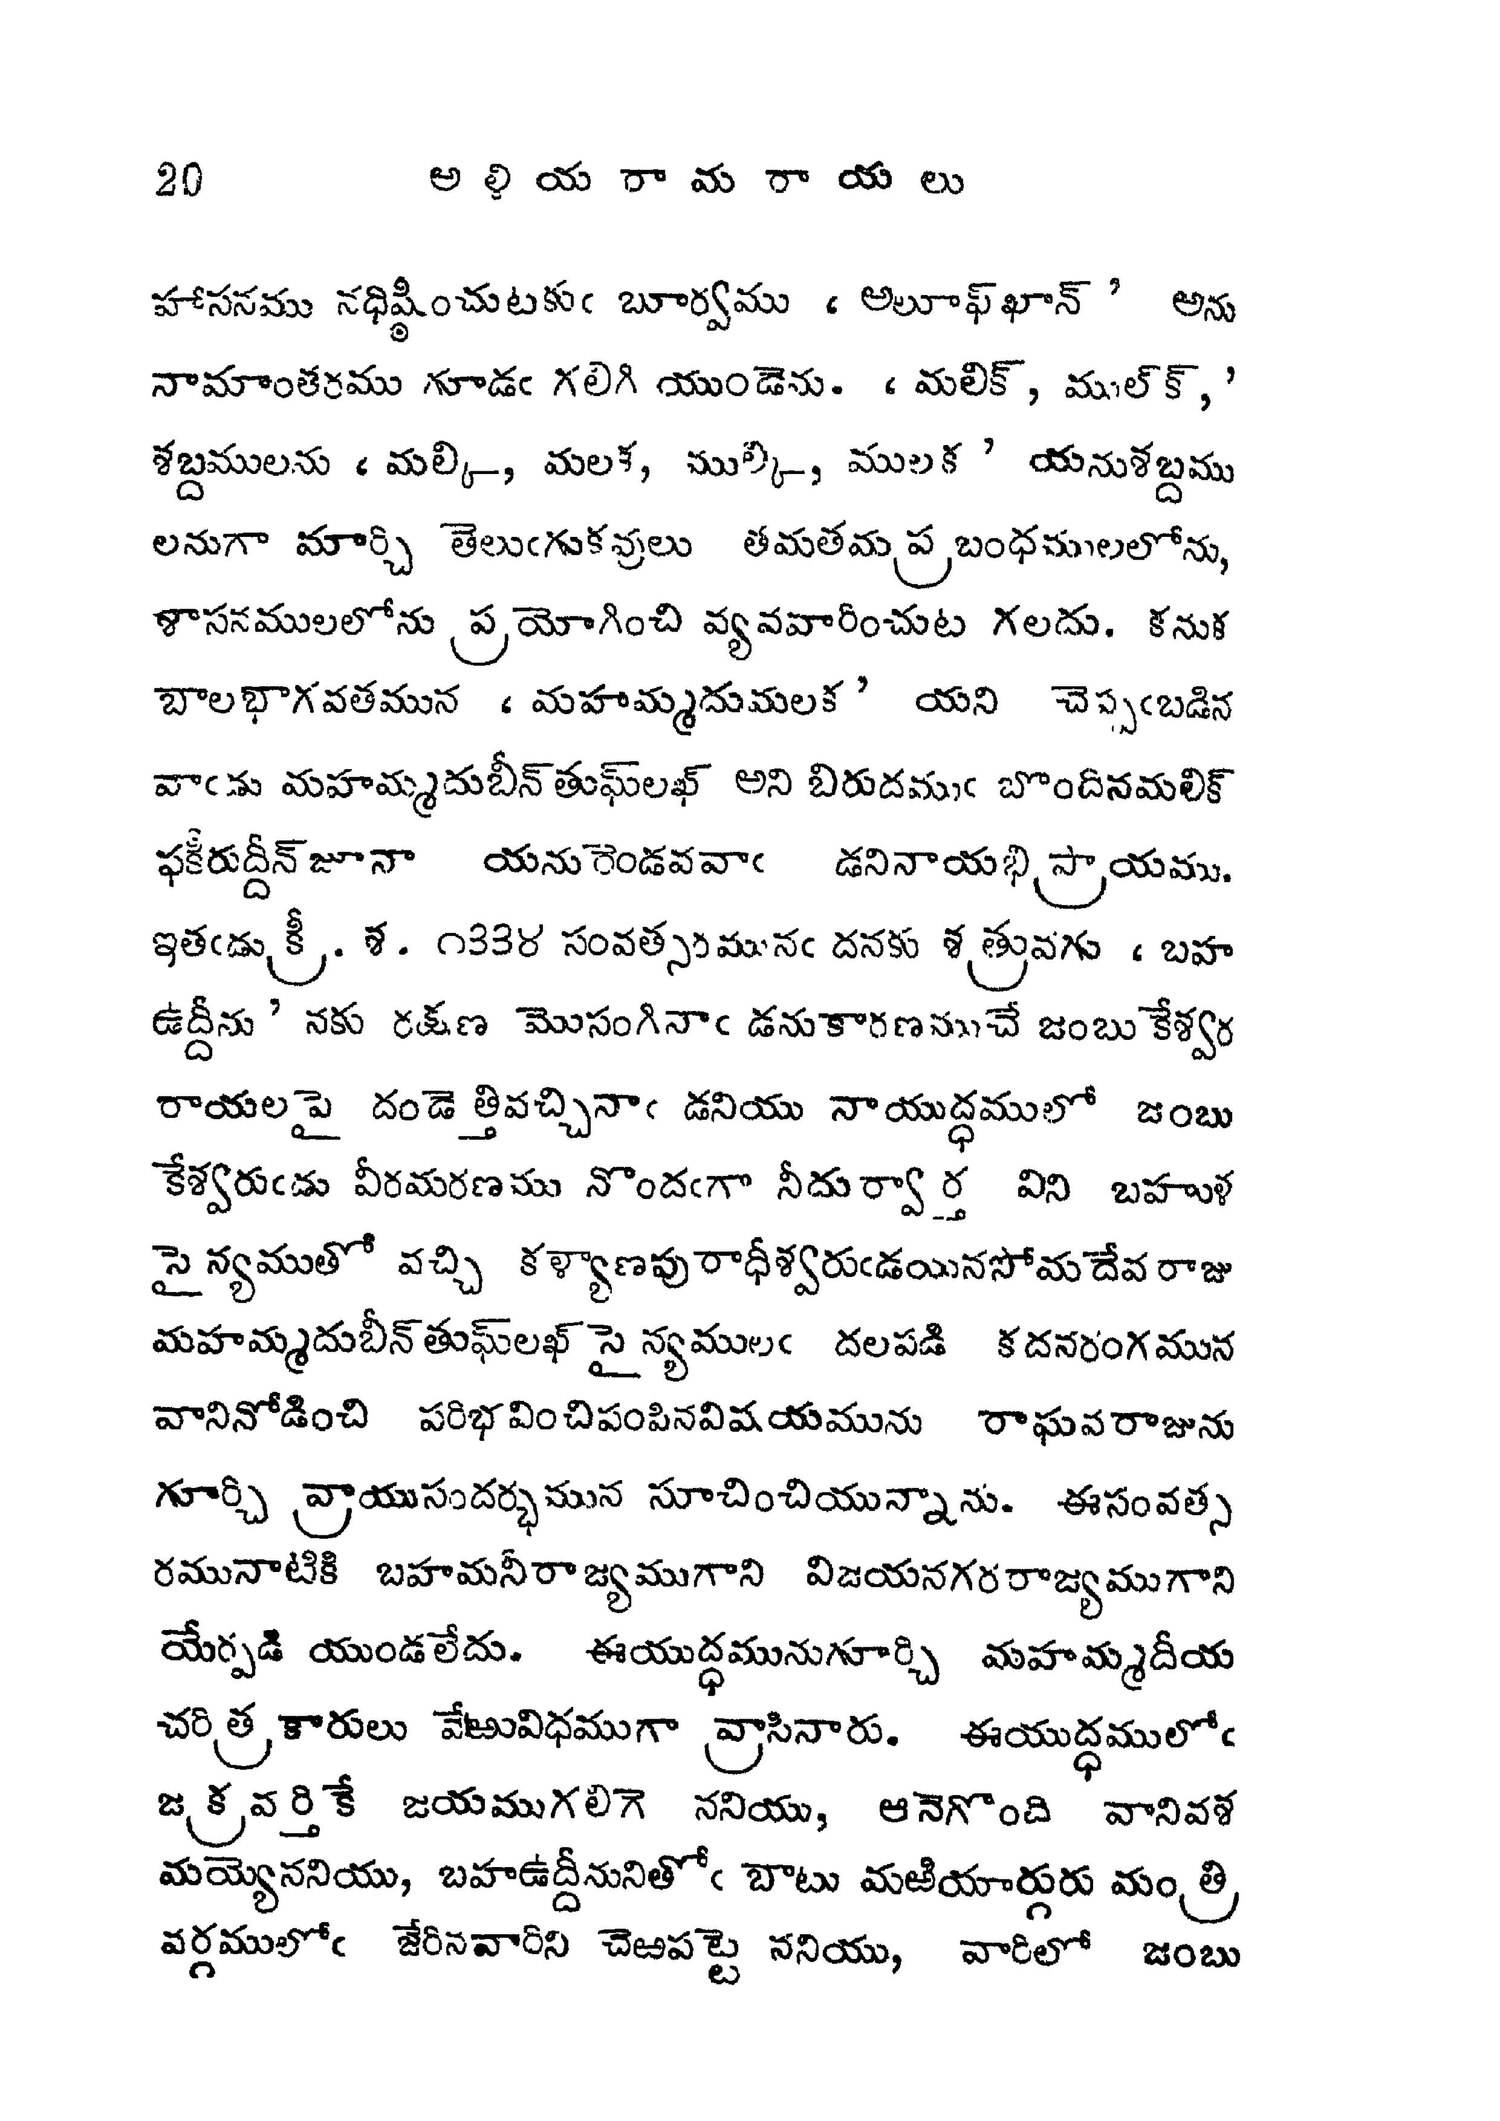హాసనము నధిష్ఠించుటకు బూర్వము 'అలూఫ్‌ఖాన్‌' అను నామాంతరము గూడ గలిగి యుండెను. 'మలిక్, ముల్‌క్,' శబ్దములను 'మల్కి, మలక, ముల్కి, ములక' యనుశబ్దములనుగా మార్చి తెలుగుకవులు తమతమప్రబంధములలోను, శాసనములలోను ప్రయోగించి వ్యవహరించుట గలదు. కనుక బాలభాగవతమున 'మహమ్మదుమలక' యని చెప్పబడినవాడు మహమ్మదుబీన్‌ తుఘ్‌లఖ్‌ అని బిరుదము బొందినమలిక్‌ ఫకీరుద్దీన్‌జూనా యనురెండవవా డనినాయభిప్రాయము. ఇతడు క్రీ. శ. 1334 సంవత్సరమున దనకు శత్రువగు 'బహఉద్దీను' నకు రక్షణ మొసంగినా డనుకారణముచే జంబుకేశ్వరరాయలపై దండెత్తివచ్చినా డనియు నాయుద్ధములో జంబుకేశ్వరుడు వీరమరణము నొందగా నీదుర్వార్త విని బహుళసైన్యముతో వచ్చి కళ్యాణపురాధీశ్వరుడయినసోమదేవరాజు మహమ్మదు బీన్‌తుఘ్‌లఖ్ సైన్యముల దలపడి కదనరంగమున వానినోడించి పరిభవించిపంపిన విషయమును రాఘవరాజును గూర్చి వ్రాయుసందర్భమున సూచించియున్నాను. ఈసంవత్సరమునాటికి బహమనీరాజ్యముగాని విజయనగరరాజ్యముగాని యేర్పడి యుండలేదు. ఈయుద్ధమునుగూర్చి మహమ్మదీయ చరిత్రకారులు వేఱువిధముగా వ్రాసినారు. ఈయుద్ధములో జక్రవర్తికే జయముగలిగె ననియు, ఆనెగొంది వానివశమయ్యెననియు, బహఉద్దీనునితో బాటు మఱియార్గురు మంత్రి వర్గములో జేరినవారిని చెఱపట్టె ననియు, వారిలో జంబు